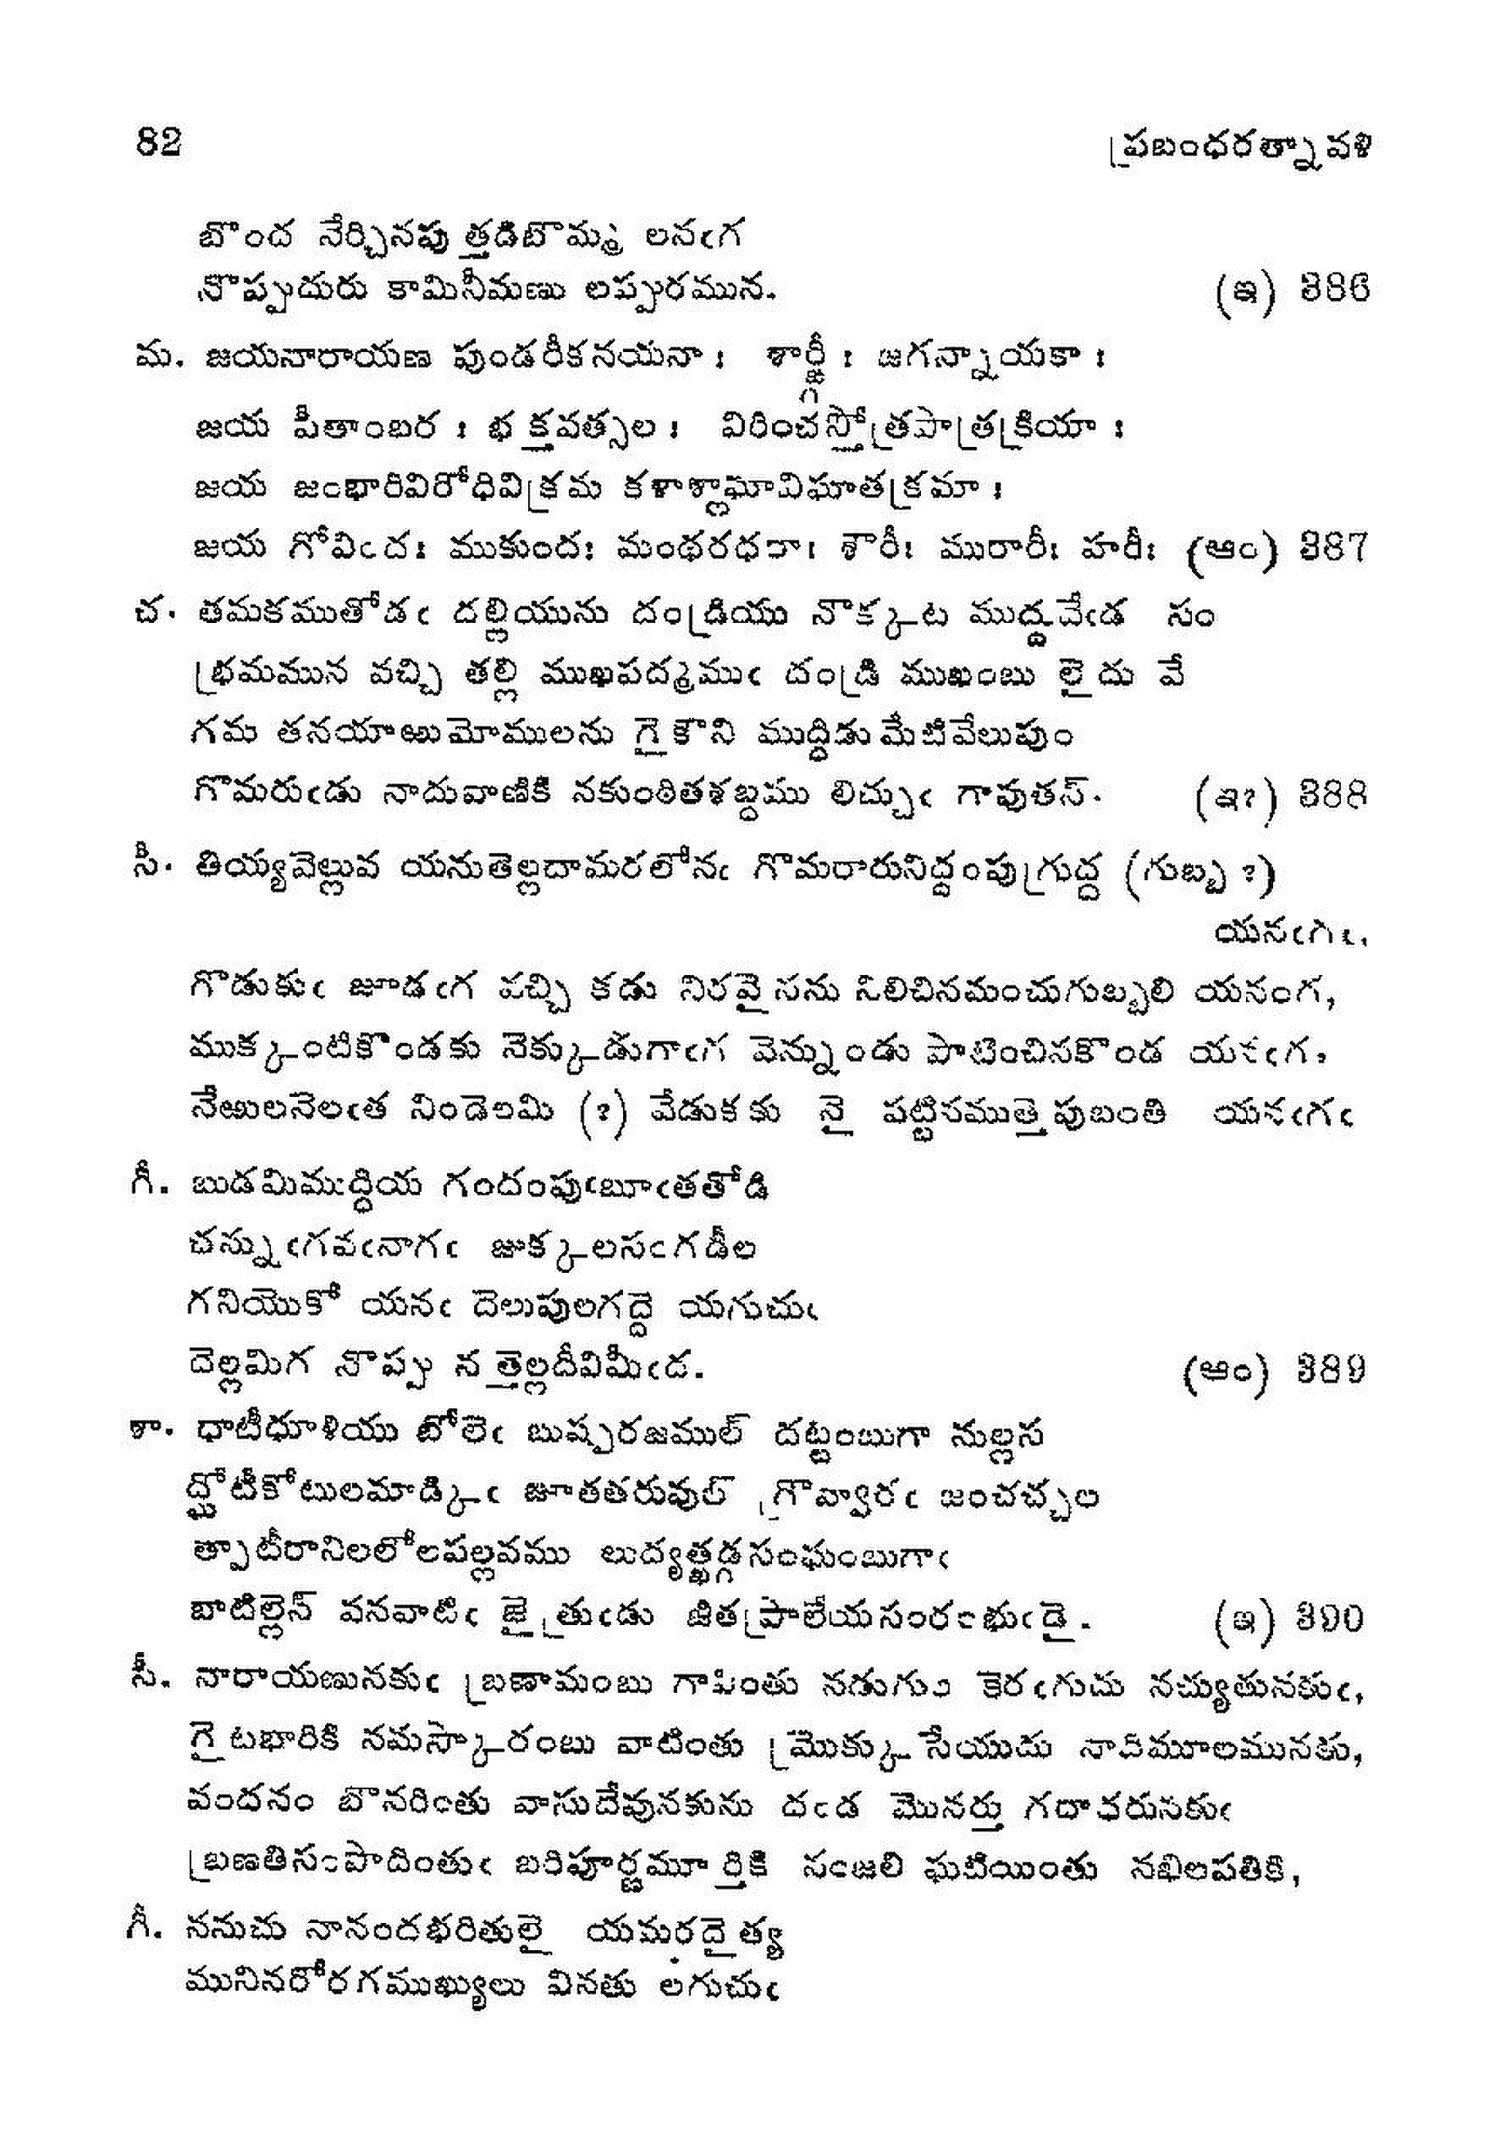బొంద నేర్చిన పుత్తడి బొమ్మ లనఁగ
నొప్పుదురు కామినీ మణు లప్పురమున. (ఇ) 386

మ. జయనారాయణ! పుండరీకనయనా! శార్ఙ్గీ! జగన్నాయకా!
జయపీతాంబర! భక్తవత్సల! విరించిస్తోత్రపాత్రక్రియా!
జయజంభారివిరోధివిక్రమ కళాశ్లాఘావిఘాతక్రమా!
జయగోవింద! ముకుంద! మందరధరా! శౌరీ! మురారీ! హరీ! (ఆం) 387

చ. తమకముతోడఁ దల్లియును దండ్రియు నొక్కట ముద్దువేఁడ సం
భ్రమమున వచ్చి తల్లిముఖపద్మముఁ దండ్రి ముఖంబు లైదు వే
గమ తనయాఱుమోములను గైకొని ముద్దిడు మేటివేలుపుం
గొమరుఁడు నాదువాణికి నకుంఠితశబ్దము లిచ్చుఁ గావుతన్. (ఇ?) 388

సీ. తియ్యవెల్లువయను తెల్లదామరలోనఁ గొమరారునిద్దంపుగ్రుద్ద [గుబ్బ?] యనఁగఁ,
గొడుకుఁజూడఁగ వచ్చి కడ నిరవైనను నిలిచిన మంచుగుబ్బలి యనంగ,
ముక్కంటికొండకు నెక్కుడుగాఁగ వె న్నుండు పాటించినకొండ యనఁగ,
నేఱులనెలఁత నిండెలమి [?] వేడుకకునై పట్టిన ముత్తెపుబంతి యనఁగఁ,
గీ. బుడమిముద్దియ గంధంపుఁబూఁతతోడి
చన్నుఁగవఁనాగఁ జుక్కలసంగడీల
గనియొకో యనఁ దెలుపులగద్దె యగుచుఁ
దెల్లమిగ నొప్పు నత్తెల్లదీవిమీఁద. (ఆం) 389

శా. ధాటీధూళియుఁ బోలెఁ బుష్పరజముల్ దట్టంబుగా నుల్లస
ద్ఘోటీకోటులమాడ్కిఁ జూతతరువుల్ గ్రొవ్వారఁ జంచచ్చల
త్పాటీరానిల లోలపల్లవము లుద్యత్ఖడ్గసంఘంబుగాఁ
బాటిల్లెన్ వనవాటిఁ జైత్రుఁడు జితప్రాలేయసంరంభుఁడై. (ఇ) 390

సీ. నారాయణునకుఁ బ్రణామంబు గావింతు నడుగుల కెరఁగుదు నచ్యుతునకుఁ,
గైటభారికి నమస్కారంబు వాటింతు మ్రొక్కుసేయుదు నాదిమూలమునకు,
వందనంబొనరింతు వాసుదేవునకును దండమొనర్తు గదాధరునకుఁ
బ్రణతిసంపాదింతుఁ బరిపూర్ణమూర్తికి నంజలి ఘటియింతు నఖిలపతికి,
గీ. ననుచు నానందభరితులై యమర దైత్య
ముని నరోరగముఖ్యులు వినతులగుచుఁ